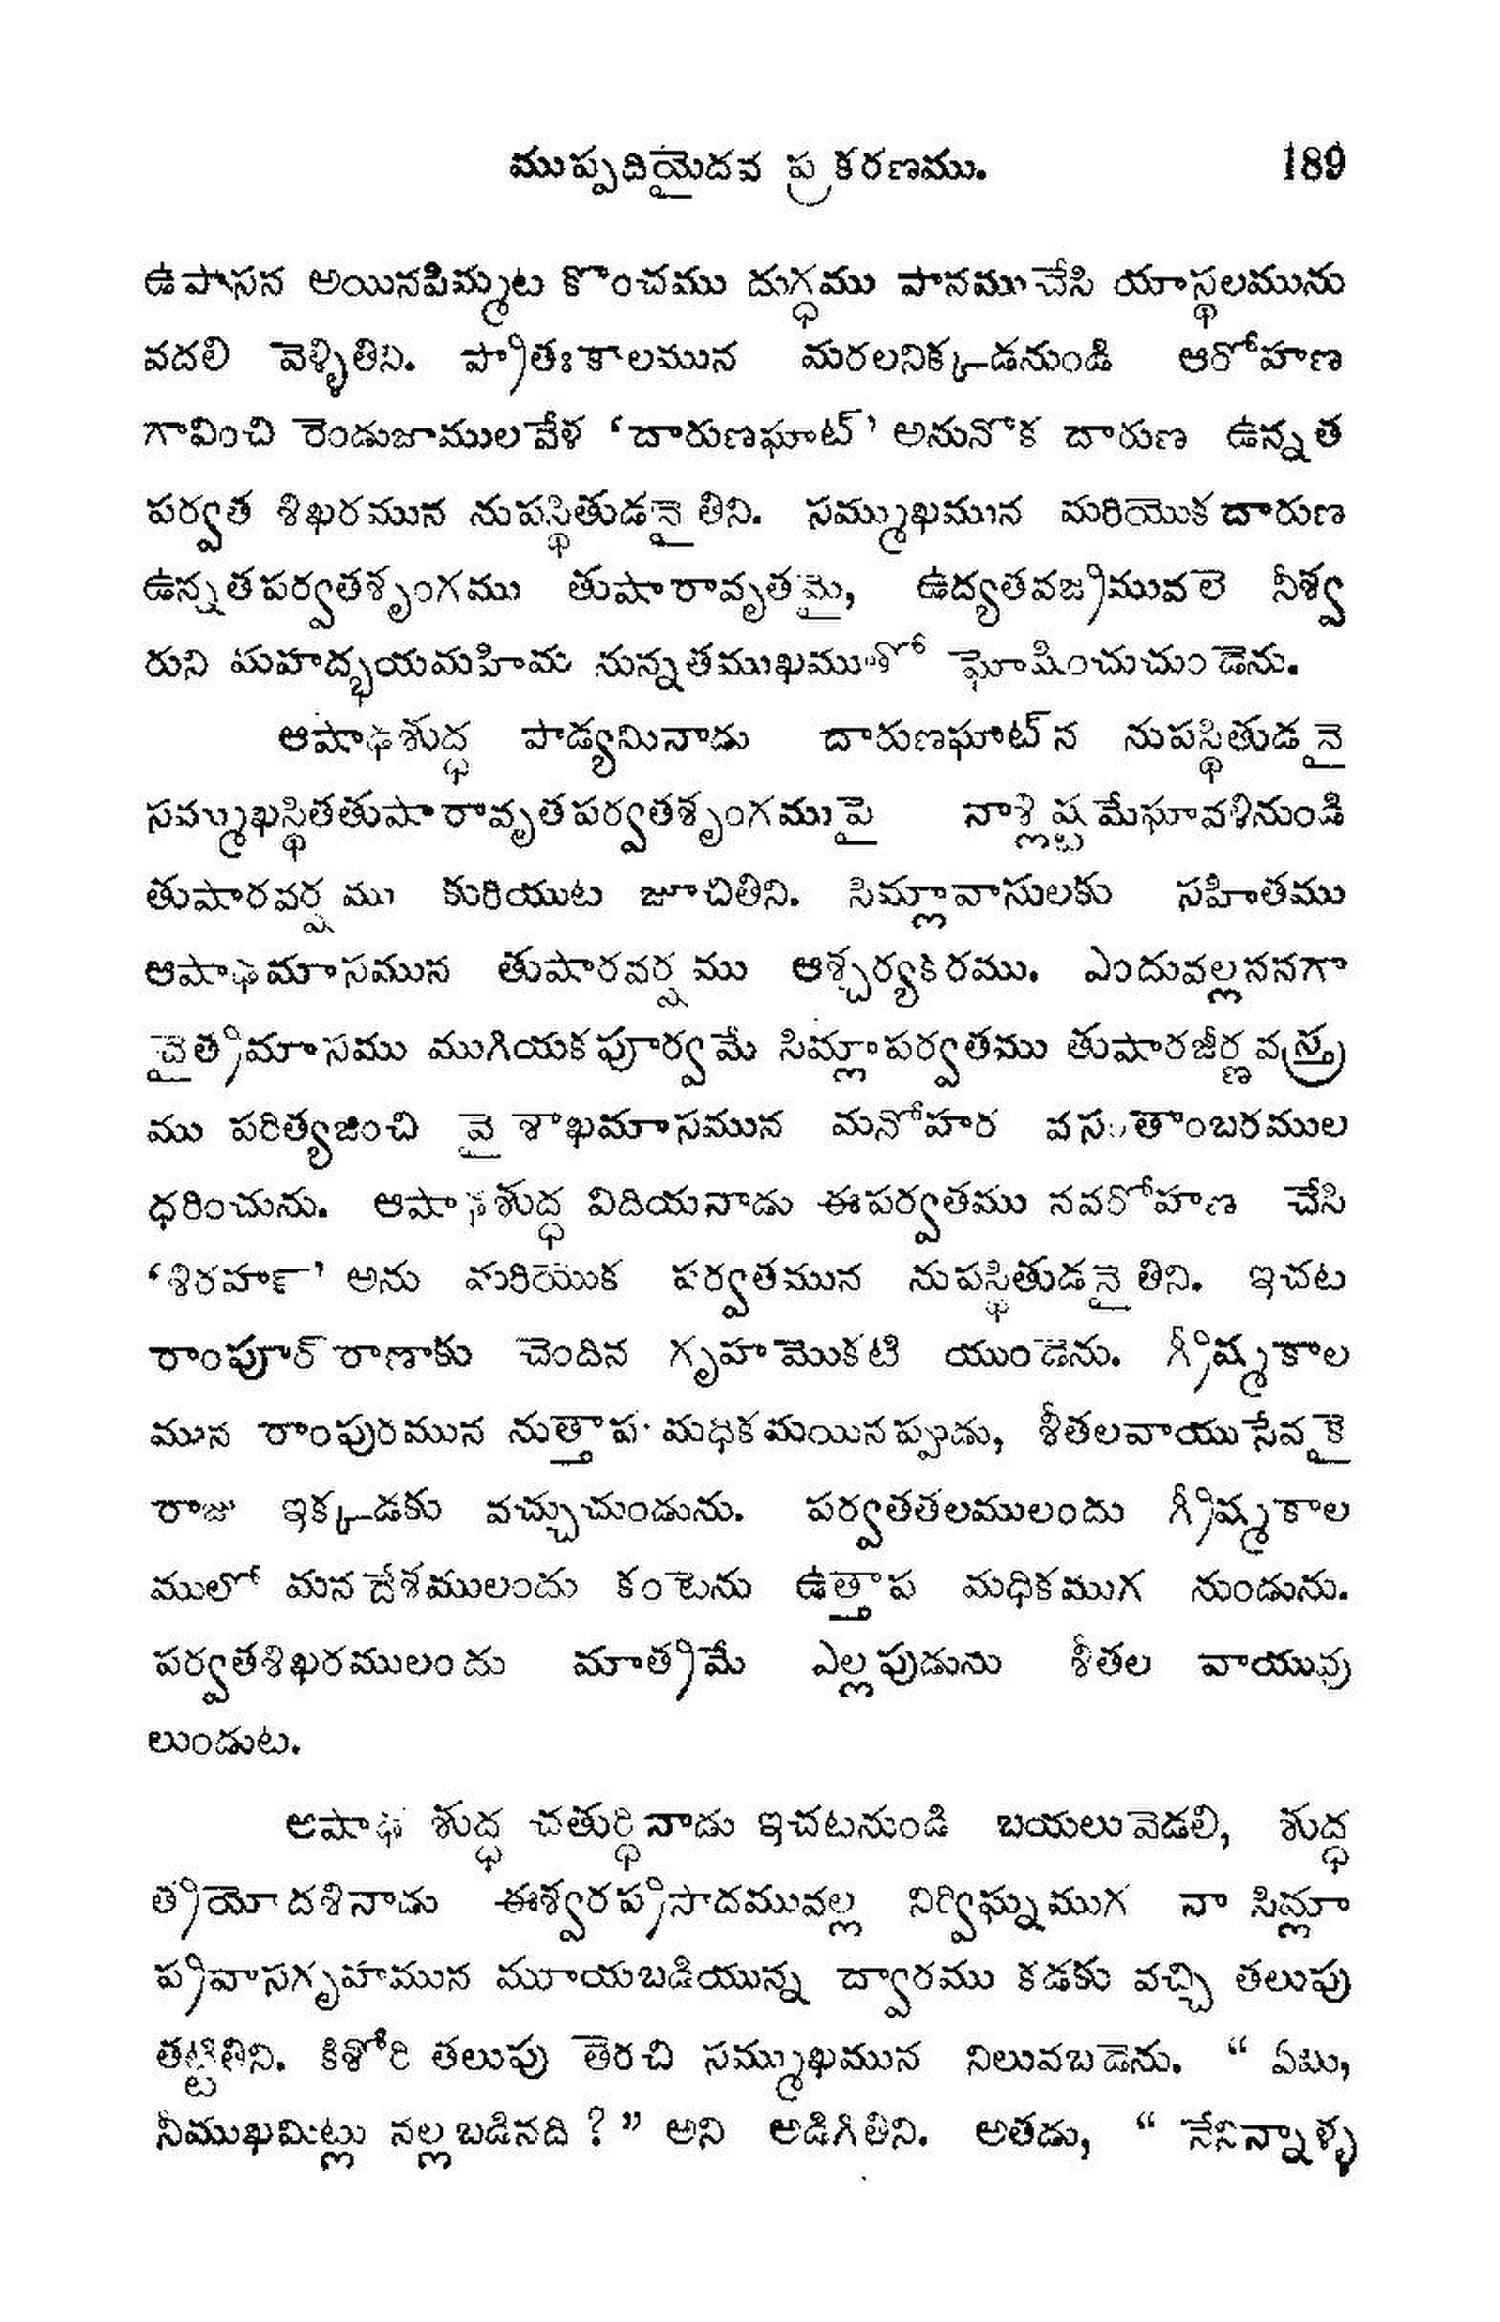ఉపాసన అయిన పిమ్మట కొంచము దుగ్దము పానము చేసి అయిన పిమ్మట దుగ్ధము యాస్థలమును వదలి వెళ్ళితిని. పొతః కాలమున మరల నిక్కడనుండి
ఆరోహణ గావించి రెండుజాముల వేళ 'దారుణఘాట్ ' అనునొక దారుణ ఉన్నత
పర్వత శిఖరమున నుపస్థితుడ నై తిని. సమ్ముఖమున మరియొక దారుణ
ఉన్నత పర్వతశృంగము తుషా రావృతమై ఉద్యతవజ్రమువలె నీశ్వరుని మహద్భయ మహిమ నున్నతముఖముతో, ఘోషించు చుండెను.

ఆషాఢ శుద్ధ పాడ్యమినాడు దారుణఘాట్ న నుపస్థితుడ నై
సమ్మఖస్థిత తుషా రావృత పర్వతశృంగముపై నాళ్లిష్ట మేఘావళినుండి
తుషార వర్షము కురియుట జూచితిని. సిమ్లా వాసులకు సహితము
ఆషాఢమాసమున తుషారవర్లము ఆశ్చర్యకరము. ఎందువల్ల ననగా
చైత్రమాసము ముగియక పూర్వమే సిమ్లా పర్వతము తుషార జీర్ణ వస్త్రము 
పరిత్యజించి వై శాఖ మాసమున మనోహర వసః తాంబరముల
ధరించును. ఆషా శుద్ధ విదియనాడు ఈ పర్వతము నవరోహణ చేసి
'శిరహన్' అను మరియొక పర్వతమున నుపస్థితుడనైతిని. ఇచట
రాంపూర్ రాణాకు చెందిన గృహ మొకటి యుండెను. గీష్మకాల
మున రాంపురమున నుత్తాపు' మధిక మయినప్పుడు, శీతలవాయు సేవ కై
రాజు ఇక్కడకు వచ్చుచుండును. పర్వత తలములందు గీమ్మకాల
ములో మన దేశములందు కంటెను ఉత్తాప మధికముగ నుండును.
పర్వత శిఖరములందు మాత్రమే ఎల్లపుడుసు శీతల వాయువు
లుండుట.

ఆషాఢ శుద్ధ చతుర్థి నాడు ఇచటనుండి బయలు వెడలి, శుద్ధ
త్రయోదశి నాడు ఈశ్వర ప్రసాదమువల్ల నిర్విఘ్నముగ నా సీన్లూ
ప్రవాసగృహమున మూయబడి యున్న ద్వారము కడకు వచ్చి తలుపు
తట్టితిని. కిశోరి తలుపు తెరచి సమ్ముఖమున నిలువబడెను. ఏమి,
నీ ముఖమిట్లు నల్ల బడినది ? " అని అడిగితిని. అతడు, " నేనన్నాళ్ళ

-